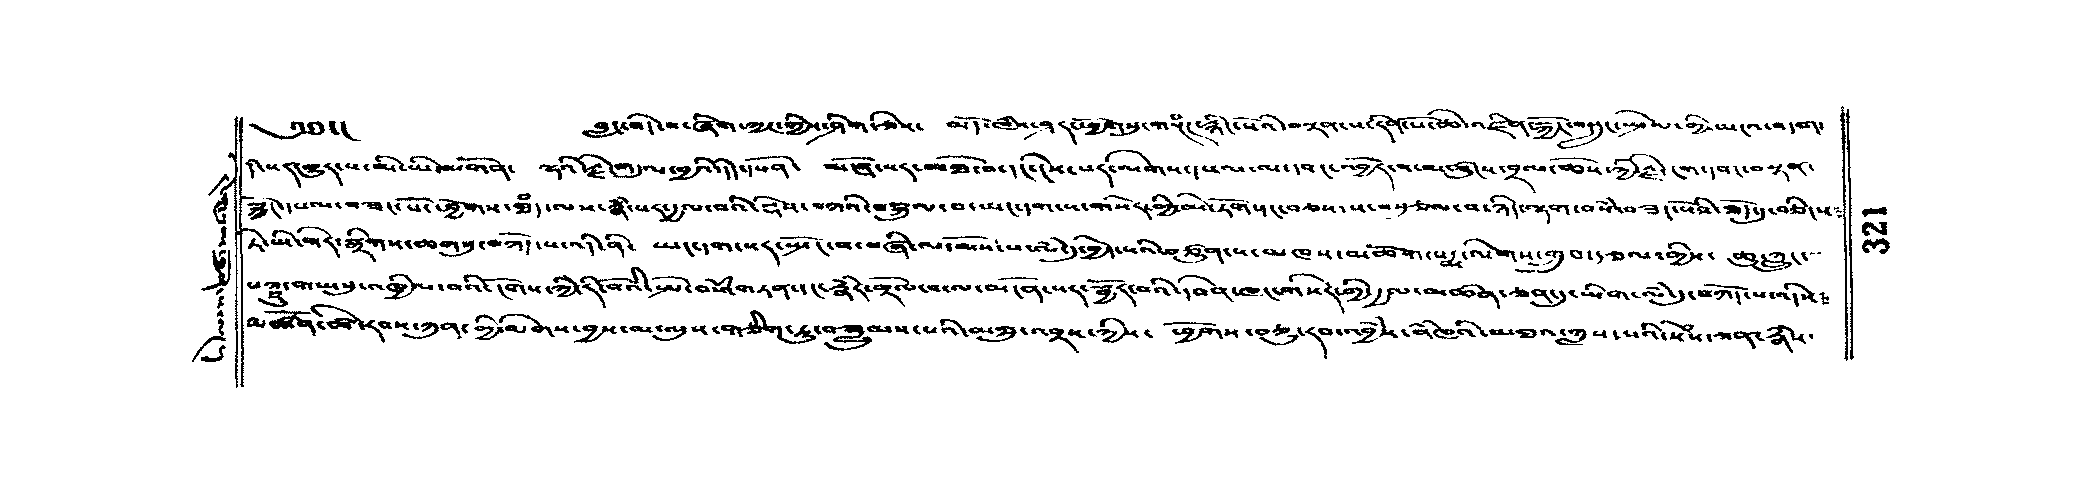བླག་བདེ་བ་ཞིག་ཀྱང་གྱིས་ཤིག་ཅེས། མདོ་ཁམས་ཤར་ཕྱོགས་ནས་གསང་སྔགས་སྙིང་པོའི་བསྟན་པ་རིན་པོ་ཆེ་འཛིན་སྐྱོང་བསྲུང་སྤེལ་གྱི་མངའ་བདག་
དམ་པར་གྱུར་པ་མི་ཡི་མགོན། ལྷའི་རྗེ་གདུལ་བྱའི་སྡེ་དཔོན། མངོན་པར་མཐོ་བ་དང་ངེས་པར་ལེགས་པ་ལ་དབང་འབྱོར་བ་མཚུངས་བྲལ་ཆོས་ཀྱི་རྗེ་ངག་དབང་བསྟན་
སྐྱོང་དཔལ་བཟང་པོ་ཕྱོགས་ཐམས་ཅད་ལས་རྣམ་པར་རྒྱལ་བའི་སྡེས་བཀའི་བསྐུལ་བ་ཡང་དག་པ་གསེར་གྱི་མེ་ཏོག་དང་བཅས་པ་སྩལ་བ་ཉིད་ལྷག་བསམ་བཟང་པོའི་ཐོད་དུ་བཅིངས་
ཏེ་ཡི་གེར་བསྒྲིགས་ཆགས་སུ་བཀོད་པ་འདི་ནི། ཡང་དག་པར་སྤོང་བ་བཞི་ལ་མོས་པ་ལམ་དུ་བྱེད་པའི་བཙུན་པ་མཁས་མཆོག་པདྨ་ལེགས་གྲུབ་རྩལ་གྱིས།ཆུ་ཀླང་
པཀ་རུ་གཡས་སུ་འཁྱིལ་བའི་ངོགས་ཀྱི་རི་བོའི་སྤོ་བསམ་གཏན་དང་རྣམ་པར་གྲོལ་བ་ལ་མངོན་པར་སྦྱོར་བའི་དབེན་ཁང་གསེར་གྱི་རྒྱལ་མཚན་ཅན་དུ་ཡིག་ལམ་དུ་བཀོད་པ་འདིས་
མཚོན་ཚེ་རབས་ཀུན་གྱི་ལེགས་བྱས་མ་ལུས་གཅིག་ཏུ་བཟླུམས་པའི་མཐུ་འབྲས་ཀྱིས། ཕྱོགས་བཅུ་རབ་འབྱམས་ནམ་མཁའི་མཐའ་ཀླས་པའི་སེམས་ཅན་རྣམས་